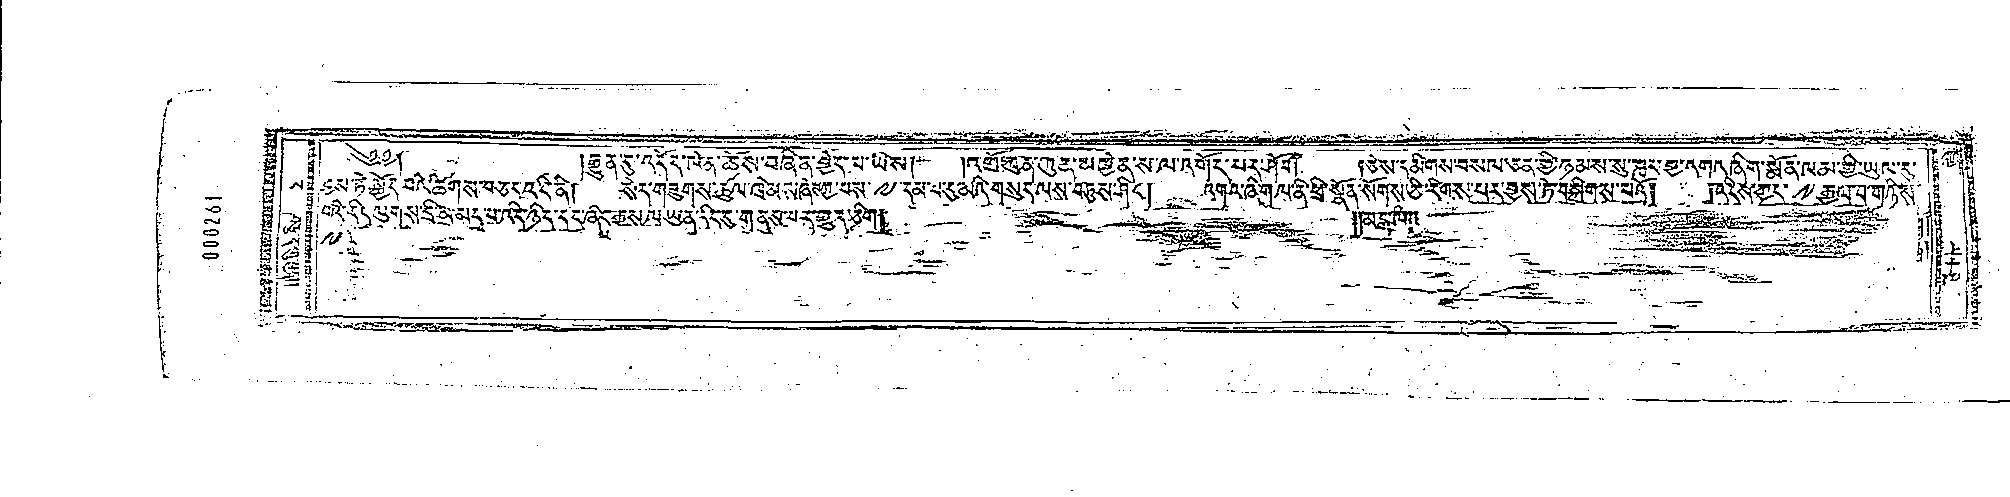༄༅། །རྒྱུན་དུ་འདོད་ལེན་ཆོས་བཞིན་བྱེད་པ་ཡིས། །འགྲོ་ཀུན་ཀུན་མཁྱེན་ས་ལ་འགོད་པར་ཤོག །ཅེས་དམིགས་བསལ་ཅན་གྱི་ཉམས་སུ་བླང་བྱ་འགའ་ཞིག་སྨོན་ལམ་གྱི་ཡུལ་དུ་
བྱས་ཏེ་སྐྱོང་བའི་ཚིགས་བཅད་འདི་ནི། སེད་གཟུགས་ཚུལ་ཁྲིམས་ཞེས་བྱ་བས་༧་དམ་པ་དུ་མའི་གསུང་ལས་བཏུས་ཤིང་། འགའ་ཞིག་ལ་ནི་ཕྲི་སྣོན་སོགས་ཅི་རིགས་པར་བྱས་ཏེ་བསྒྲིགས་པའོ། །འདིས་ཀྱང་༧་རྒྱལ་བ་གཉིས་
བའི་རིང་ལུགས་དྲི་མ་མེད་པ་འདི་ཉིད་དང་ཞིང་རྒྱས་ལ་ཡུན་རིང་དུ་གནས་པར་གྱུར་ཅིག། །།མངྒ་ལཾ།། །
༧་།